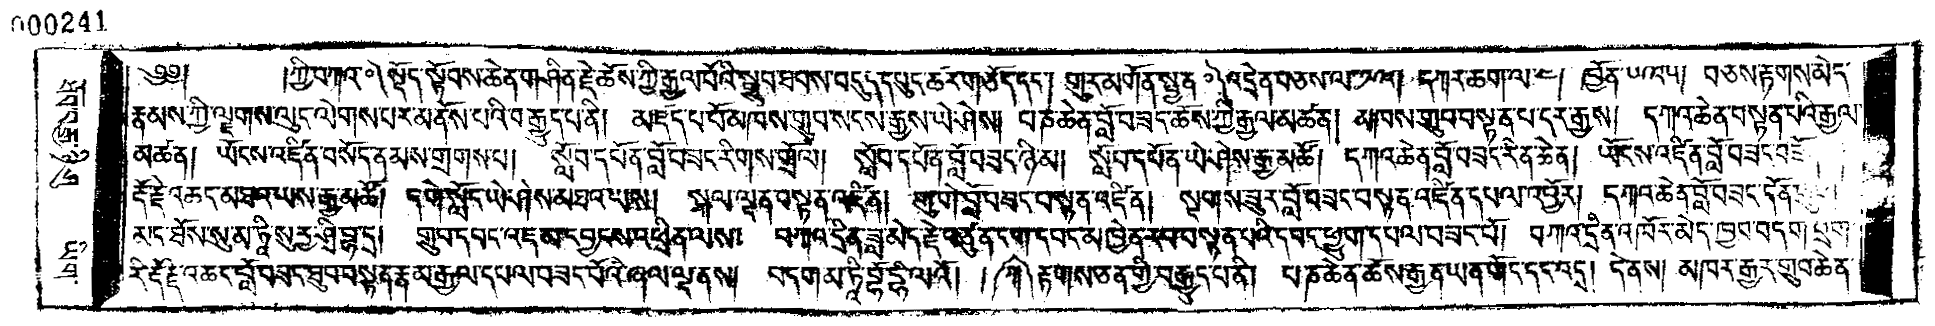༄༅། །ཀྱི་བཀའ་྾༼་སྡོད་སྟོབས་ཆེན་གཤིན་རྗེ་ཆོས་ཀྱི་རྒྱལ་པོའི་སྒྲུབ་ཐབས་བདུད་དཔུང་ཚར་གཅོད་དང་། གུར་མགོན་སྤྱན་྾༽ འདྲེན་བཅས་ལ ༡༣། དཀར་ཆག་ལ ༤། ཁྱོན ༥༣༥?། བཅས་རྟགས་མེད་
རྣམས་ཀྱི་ལྗགས་ལུང་ལེགས་པར་མནོས་པའི་བརྒྱུད་པ་ནི། མཛད་པ་པོ་མཁས་གྲུབ་སངས་རྒྱས་ཡེ་ཤེས། པཎ་ཆེན་བློ་བཟང་ཆོས་ཀྱི་རྒྱལ་མཚན། མཁས་གྲུབ་བསྟན་པ་དར་རྒྱས། དཀའ་ཆེན་བསྟན་པའི་རྒྱལ་
མཚན། ཡོངས་འཛིན་བསོད་ནམས་གྲགས་པ། སློབ་དཔོན་བློ་བཟང་རིགས་གྲོལ། སློབ་དཔོན་བློ་བཟང་ཉི་མ། སློབ་དཔོན་ཡེ་ཤེས་རྒྱ་མཚོ། དཀའ་ཆེན་བློ་བཟང་རིན་ཆེན། ཡོངས་འཛིན་བློ་བཟང་བཟོད་པ།
རྡོ་རྗེ་འཆང་མཐའ་ཡས་རྒྱ་མཚོ། དགེ་སློང་ཡེ་ཤེས་མཐའ་ཡས། སྐལ་ལྡན་བསྟན་འཛིན། གུ་གེ་བློ་བཟང་བསྟན་འཛིན། སྔགས་ཟུར་བློ་བཟང་བསྟན་འཛིན་དཔལ་འབྱོར། དཀའ་ཆེན་བློ་བཟང་དོན་གྲུབ།
མང་ཐོས་སུ་མ་ཏཱི་སུརྱ་ཤྲི་བྷ་དྲ། གྲུབ་དབང་འཇམ་དབྱངས་འཕྲིན་ལས། བཀའ་དྲིན་ཟླ་མེད་རྗེ་བཙུན་ངག་དབང་མཁྱེན་རབ་བསྟན་པའི་དབང་ཕྱུག་དཔལ་བཟང་པོ། བཀའ་དྲིན་འཁོར་མེད་ཁྱབ་བདག་བྲག་
རི་རྡོ་རྗེ་འཆང་བློ་བཟང་ཐུབ་བསྟན་རྣམ་རྒྱལ་དཔལ་བཟང་པོའི་ཞལ་ལྔ་ནས། བདག་མ་ཏཱི་བྷོ་དྷི་ལའོ། །༼ཀ༽ རྟགས་ཅན་གྱི་བརྒྱུད་པ་ནི། པཎ་ཆེན་ཆོས་རྒྱན་ཡན་གོང་དང་འདྲ། དེ་ནས། མཁར་རྒྱར་གྲུབ་ཆེན་